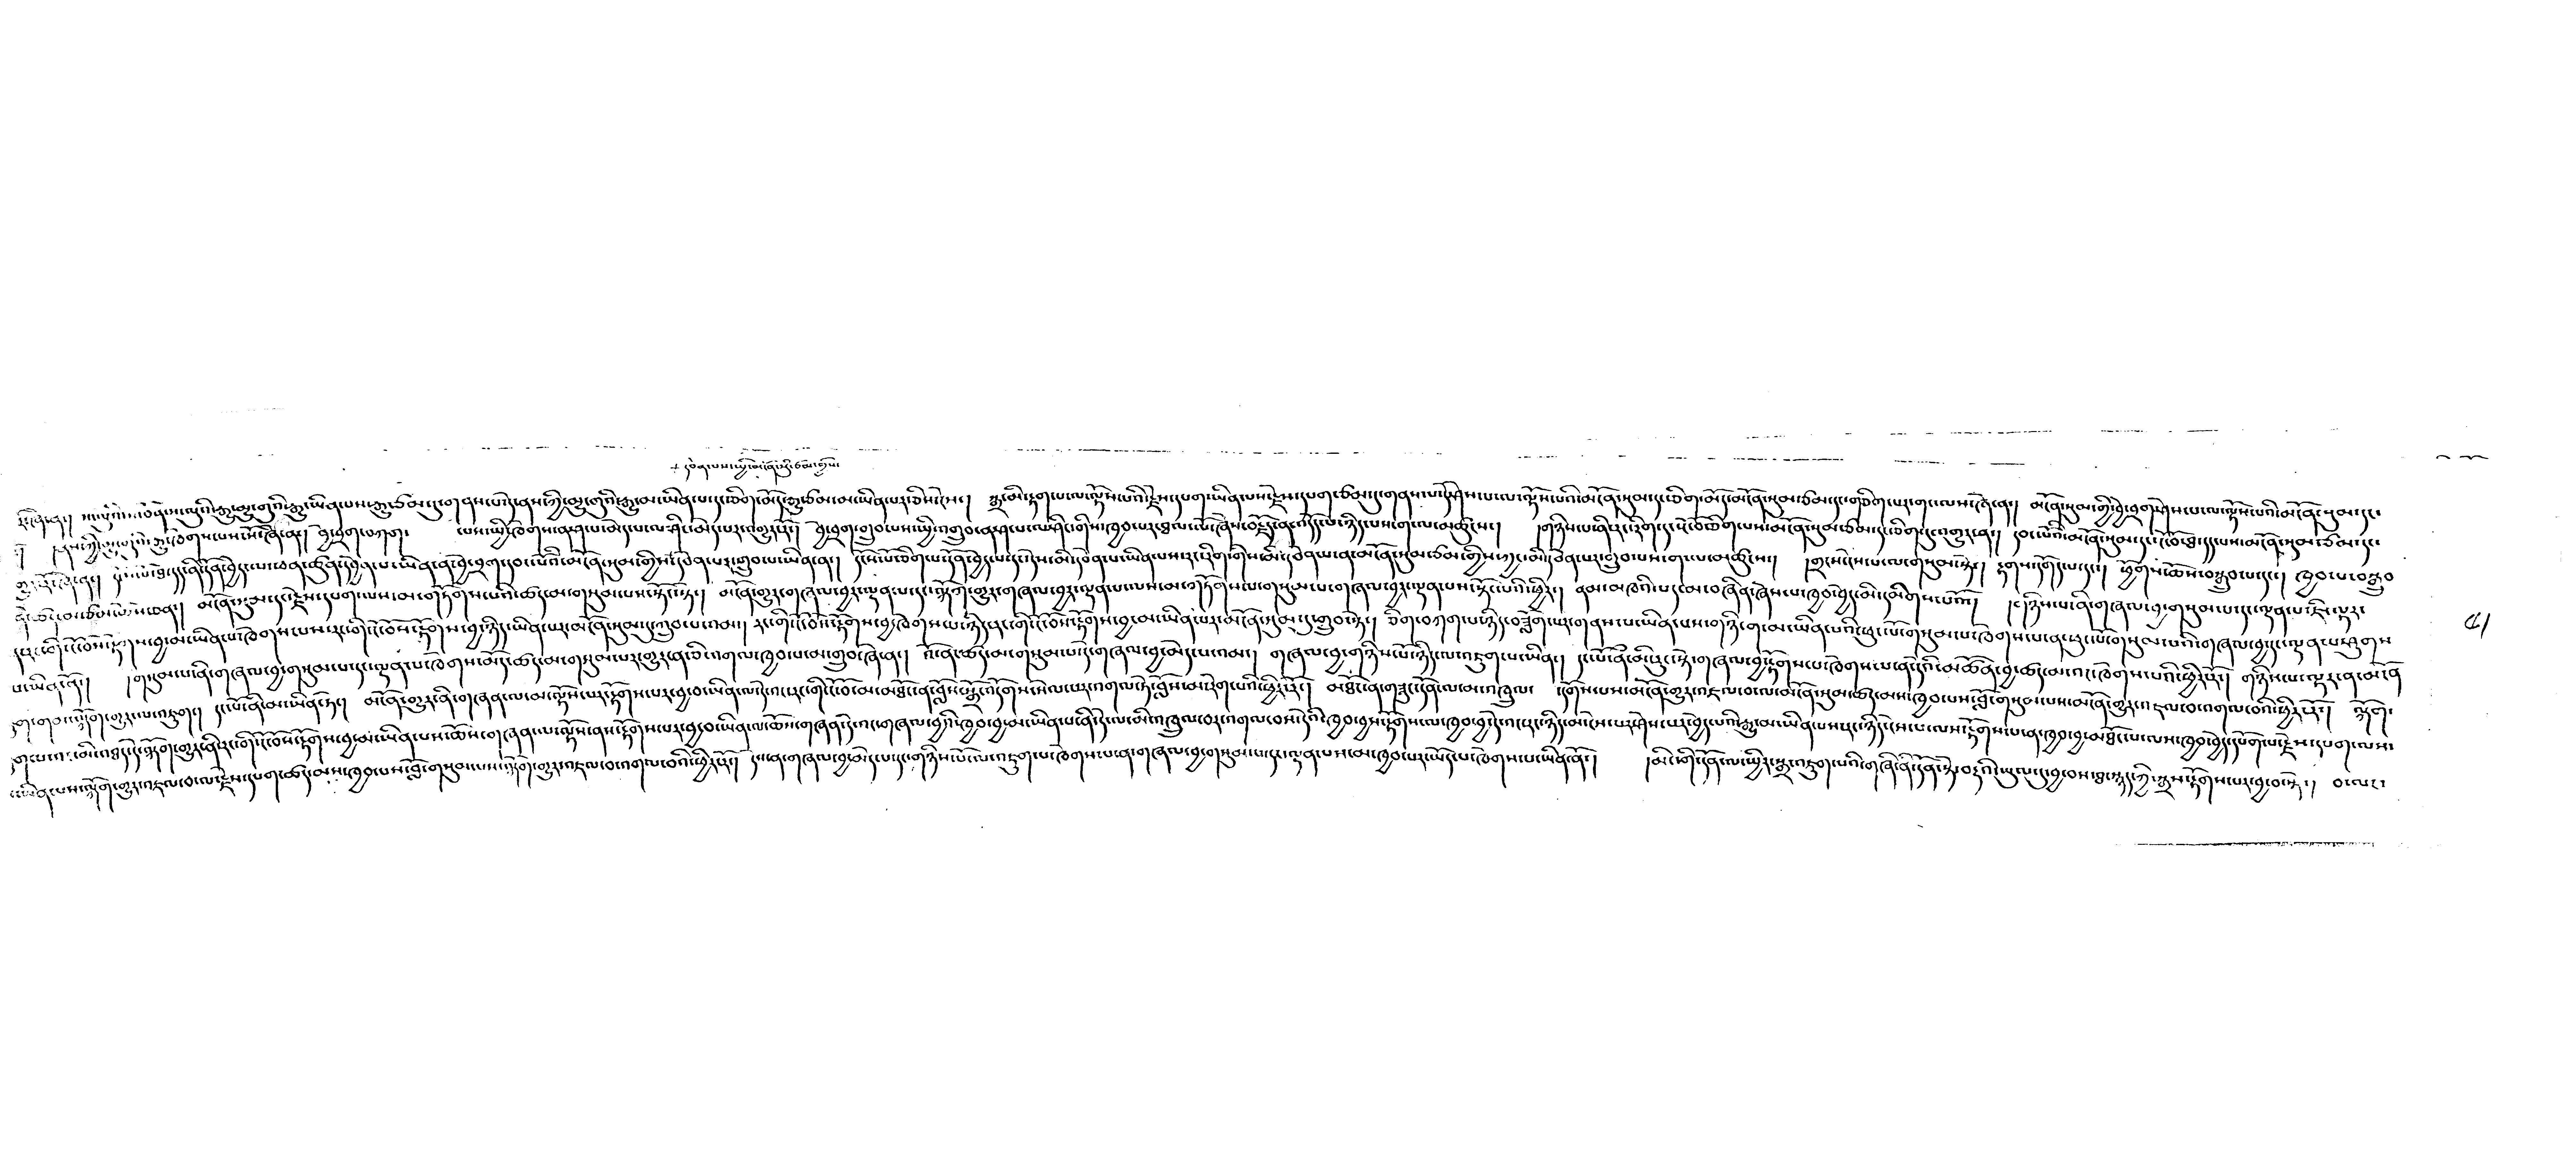རོ་ཞེ་ན། ས་ལུའི་ས་བོན་ས་ལུའི་རྒྱུ་མྱུ་གུའི་རྒྱུ་ཡིན་པས་རྒྱུ་ཙམ་དུ་གནས་པ་དེ་ནས་ཀྱི་མྱུ་གུའི་རྒྱུ་མ་ཡིན་པ་དང་ཅིག་མོད་རྒྱུ་ཙམ་མ་ཡིན་པར་ཅིས་ངེས། སྒྲ་མི་རྟག་པ་ལ་ལྟོས་པའི་རྗེས་དཔག་ཡིན་པས་རྗེས་དཔག་ཙམ་དུ་གནས་པ་དེ་ཤེས་པ་ལ་ལྟོས་པའི་མངོན་སུམ་དང་ཅིག་མོད་མངོན་སུམ་ཙམ་དང་གཅིག་པར་གང་ལས་ཞེ་ན། མངོན་སུམ་གྱི་བྱེ་བྲག་ཤེས་པ་ལ་ལྟོས་པའི་མངོན་སུམ་དང་
། །ནས་ཀྱི་མྱུ་གུའི་?་ཁེགས་པས་སོ་ཞེ་ན། བྱེ་བྲག་བཀག་ལས་སྤྱི་ཁེགས་ན་ཤ་པ་མེད་པ་ལ་ཤིང་མེད་པར་འགྱུར་རོ། བྱེ་བྲག་གྲུབ་པས་སྤྱི་འགྲུབ་ན་ཤ་པ་ལ་ཤིང་གིས་ཁྱབ་པར་ཐལ་པོ་ཞེས་བརྗོད་ན་འདོད་པ་ཉིད་པས་ག་ལ་མཚུངས། །གཉིས་པ་ནི་རང་རིག་དང་ངོ་བོ་ཅིག་པས་མངོན་སུམ་ཙམ་དང་ཅིག་དུ་འགྱུར་ན། དབང་པོའི་མངོན་སུམ་དང་ངོ་བོ་ཐ་དད་པས་མངོན་སུམ་ཙམ་དང་
གྱུར་རོ་ཞེ་ན། དངོས་པོ་ཐ་དད་ནི་དོན་བྱེད་པ་ཕན་ཚུན་དབྱེན་པ་ཡིན་ན་བྱེ་བྲག་དབང་པོའི་མངོན་སུམ་གྱིས་དབེན་པར་གྲུབ་པ་ཡིན་ན། དངོས་པོ་ཅིག་པ་དོན་བྱེད་པར་དེས་མི་དབེན་པ་ཡིན་པས་རང་རིག་གིས་མི་དབེན་པ་ན་མངོན་སུམ་ཙམ་གྱིས་ཀྱང་མི་དབེན་པར་གྲུབ་པས་ག་ལ་མཚུངས། །གྲངས་ངེས་པ་ལ་གསུམ་སྟེ། རྟགས་དགོད་པ་དང་། ཕྱོགས་ཆོས་བསྒྲུབ་པ་དང་། ཁྱབ་པ་བསྒྲུབ་
?་ཚད་མ་ཙམ་ཆོས་ཅན། མངོན་སུམ་དང་རྗེས་དཔག་ལས་མ་གཏོགས་པའི་ཚད་མ་གསུམ་པས་སྟོང་སྟེ། མངོན་གྱུར་གཞལ་བྱར་ལྡན་པ་དང་ལྐོག་གྱུར་གཞལ་བྱར་ལྡན་པ་ལས་མ་གཏོགས་པ་གསུམ་པ་གཞལ་བྱར་ལྡན་པས་སྟོང་པའི་ཕྱིར། ནམ་མཁའི་པད་མ་བཞིན་ཞེས་པ་ཁྱབ་བྱེད་མི་དམིགས་པའོ། །གཉིས་པ་ནི་གཞལ་བྱ་གསུམ་པ་དང་ལྡན་པ་ཇི་ལྟར་
ན་རང་གི་ངོ་བོས་རྟོགས་བྱ་མ་ཡིན་པ་ཁེགས་པས་རང་གི་ངོ་བོས་རྟོགས་བྱ་ཉིད་ཡིན་པར་མངོན་སུམ་དུ་གྲུབ་པ་འམ། རང་གི་ངོ་བོས་རྟོགས་བྱ་ཁེགས་པ་ཉིད་རང་གི་ངོ་བོས་རྟོགས་བྱ་མ་ཡིན་པར་མངོན་སུམ་དུ་གྲུབ་སྟེ། ཅིག་བཀག་པ་ཉིད་བཟློག་པར་གནས་པ་ཡིན་པས་གཉི་ག་མ་ཡིན་པའི་ཕུང་པོ་གསུམ་པ་ཁེགས་པ་ན་ཕུང་པོ་གསུམ་པའི་གཞལ་བྱ་དང་ལྡན་པ་ཤུགས་
པ་ཡིན་ནོ། །གསུམ་པ་ནི་གཞལ་བྱ་གསུམ་པ་དང་ལྡན་པ་ཁེགས་མོད་ཚད་མ་གསུམ་པར་གྱུར་ན་ཅི་འགལ་ཁྱབ་པ་མ་གྲུབ་ཞེ་ན། འོ་ན་ཚད་མ་གསུམ་པ་དེ་གཞལ་བྱ་མེད་པ་འམ། གཞལ་བྱ་གཉིས་པོ་ཉིད་ལ་འཇུག་པ་ཡིན། དང་པོ་ནི་མི་རུང་སྟེ་གཞལ་བྱ་རྟོགས་པ་ཁེགས་པ་ན་དེའི་མཚོན་བྱ་ཚད་མ་འང་ཁེགས་པའི་ཕྱིར་རོ། གཉིས་པ་ལྟར་ན་མངོན་
རྟག?་གམ་ལྐོག་གྱུར་པ་འཇུག། དང་པོ་ནི་མ་ཡིན་ཏེ། མངོན་གྱུར་ནི་གཞན་ལ་མ་ལྟོས་པར་རྟོགས་པར་བྱ་བ་ཡིན་ལ་དེ་འང་རང་གི་ངོ་བོ་མ་མཐོང་ན་བློས་སྒྲོ་འདོགས་སེལ་པར་འགལ་ཏེ་བློས་མ་རེག་པའི་ཕྱིར་རོ། མཐོང་ན་གཟུང་དོན་ལ་མ་འཁྲུལ་?་དགོས་པས་མངོན་གྱུར་འཇལ་བ་ལ་མངོན་སུམ་ཚད་མས་ཁྱབ་པས་བློ་གསུམ་པས་མངོན་གྱུར་འཇལ་བ་འགལ་བའི་ཕྱིར་རོ། ལྐོག་
དག?་པ་འང་མི་འཐད་དེ་ལྐོག་གྱུར་ནི་རང་གི་ངོ་བོས་རྟོགས་བྱ་མ་ཡིན་པས་ཆོས་གཞན་ལ་ལྟོས་ནས་རྟོགས་པར་བྱ་བ་ཡིན་ལ་ཆོས་གཞན་དེ་འང་གཞལ་བྱའི་ཁྱབ་བྱ་མ་ཡིན་པ་ནི་དེ་ལ་མི་འཁྲུལ་བར་འགལ་བས་དེའི་ཁྱབ་བྱས་རྟོགས་ལ་ཁྱབ་བྱ་དེ་འང་རང་ཉིད་མ་ངེས་པར་ཤེས་པར་བྱེད་པའི་རྒྱུ་མ་ཡིན་པས་རང་ཉིད་ངེས་པ་ལས་རྟོགས་པ་ན་ཁྱབ་བྱ་མཐོང་པ་ལས་ཁྱབ་བྱེད་དཔོག་པ་རྗེས་དཔག་ལས་
?ཡིན་པས་ལྐོག་གྱུར་འཇལ་བ་ལ་རྗེས་དཔག་ཚད་མས་ཁྱབ་པས་བློ་གསུམ་པས་ལྐོག་གྱུར་འཇལ་བ་འགལ་བའི་ཕྱིར་རོ། དེས་ན་གཞལ་བྱ་མེད་པ་དང་གཉིས་པོ་ལ་འཇུག་པ་ཁེགས་པ་ན་གཞལ་བྱ་གསུམ་པ་དང་ལྡན་པས་མ་ཁྱབ་པར་ཡོད་པ་ཁེགས་པ་ཡིན་ནོ། །མིང་གི་དོན་ལ་སྤྱིར་སྒྲ་འཇུག་པའི་གཞི་ནི་དོན་སྟེ་བརྡའི་ཡུལ་དུ་བྱ་བས་ཐ་སྙད་ཀྱི་སྒྲས་རྟོགས་པར་བྱ་བ་སྟེ། བ་ལང་